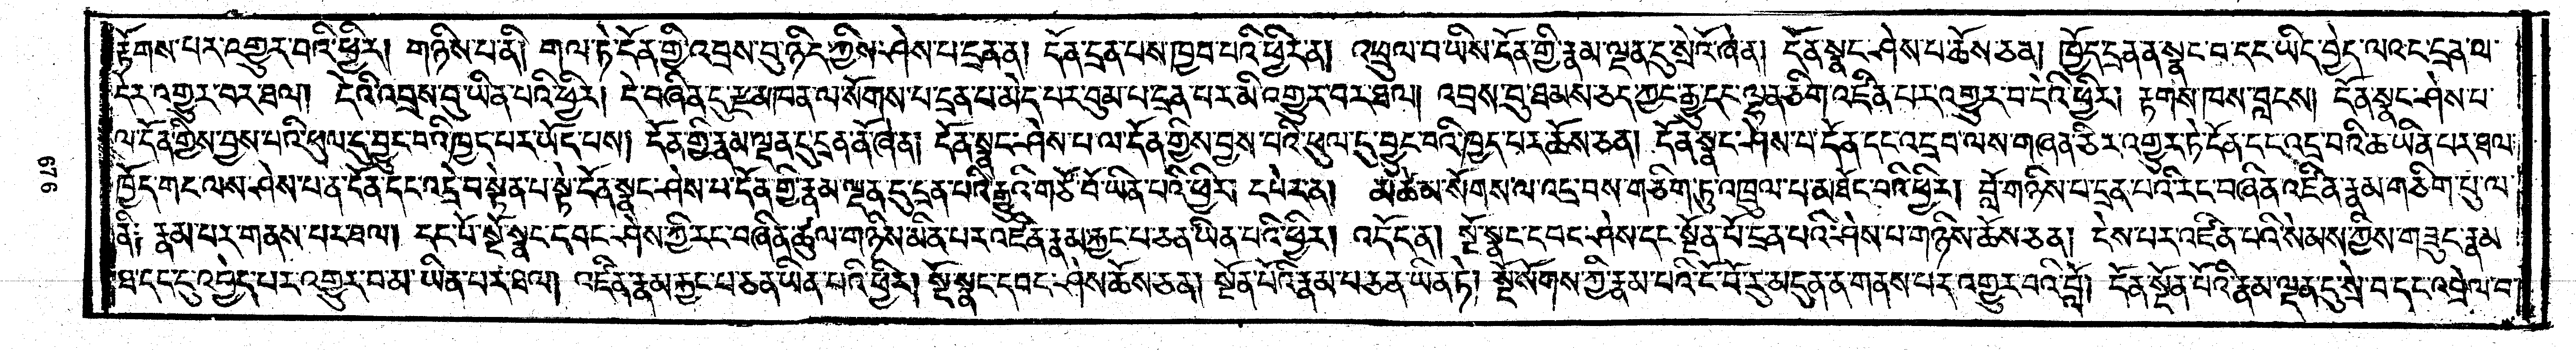རྟོགས་པར་འགྱུར་བའི་ཕྱིར། གཉིས་པ་ནི། གལ་ཏེ་དོན་གྱི་འབྲས་བུ་ཉིད་ཀྱིས་ཤེས་པ་དྲན་ན། དོན་དྲན་པས་ཁྱབ་པའི་ཕྱིར་ན། འཕྲུལ་བ་ཡིས་དོན་གྱི་རྣམ་ལྡན་དུ་སྲེའོ་ཞེ་ན། དོན་སྣང་ཤེས་པ་ཆོས་ཅན། ཁྱོད་དྲན་ན་སྣང་བ་དང་ཡིད་བྱེད་ལའང་དྲན་ལ་
དེར་འགྱུར་བར་ཐལ། དེའི་འབྲས་བུ་ཡིན་པའི་ཕྱིར། དེ་བཞིན་དུ་རྫ་མཁན་ལ་སོགས་པ་དྲན་པ་མེད་པར་བུམ་པ་དྲན་པར་མི་འགྱུར་བར་ཐལ། འབྲས་བུ་ཐམས་ཅད་ཀྱང་རྒྱུ་དང་ལྷན་ཅིག་འཛིན་པར་འགྱུར་བ་དེའི་ཕྱིར། རྟགས་ཁས་བླངས། དོན་སྣང་ཤེས་པ་
ལ་དོན་གྱིས་བྱས་པའི་ཕུལ་དུ་བྱུང་བའི་ཁྱད་པར་ཡོད་པས། དོན་གྱི་རྣམ་ལྡན་དུ་དྲན་ནོ་ཞེ་ན། དོན་སྣང་ཤེས་པ་ལ་དོན་གྱིས་བྱས་པའི་ཕུལ་དུ་བྱུང་བའི་ཁྱད་པར་ཆོས་ཅན། དོན་སྣང་ཤེས་པ་དོན་དང་འདྲ་བ་ལས་གཞན་ཅིར་འགྱུར་ཏེ་དོན་དང་འདྲ་བའི་ཆ་ཡིན་པར་ཐལ་
ཁྱོད་གང་ལས་ཤེས་པ་ན་དོན་དང་འདྲེ་བ་སྟེན་པ་སྟེ་དོན་སྣང་ཤེས་པ་དོན་གྱི་རྣམ་ལྡན་དུ་དྲན་པའི་རྒྱུའི་གཙོ་བོ་ཡིན་པའི་ཕྱིར། དཔེར་ན། མཚེ་མ་སོགས་ལ་འདྲ་བས་གཅིག་ཏུ་འཁྲུལ་པ་མཐོང་བའི་ཕྱིར། བློ་གཉིས་པ་དྲན་པའི་རང་བཞིན་འཛིན་རྣམ་གཅིག་པུ་ལ་
ནི༑ རྣམ་པར་གནས་པར་ཐལ། དང་པོ་སྔོ་སྣང་དབང་ཤེས་ཀྱི་རང་བཞིན་ཚུལ་གཉིས་མིན་པར་འཛིན་རྣམ་རྐྱང་པ་ཅན་ཡིན་པའི་ཕྱིར། འདོད་ན། སྔོ་སྣང་དབང་ཤེས་དང་སྔོན་པོ་དྲན་པའི་ཤེས་པ་གཉིས་ཆོས་ཅན། ངེས་པར་འཛིན་པའི་སེམས་ཀྱིས་གཟུང་རྣམ་
ཐ་དད་དུ་འབྱེད་པར་འགྱུར་བ་མ་ཡིན་པར་ཐལ། འཛིན་རྣམ་རྐྱང་པ་ཅན་ཡིན་པའི་ཕྱིར། སྔོ་སྣང་དབང་ཤེས་ཆོས་ཅན། སྔོན་པོའི་རྣམ་པ་ཅན་ཡིན་ཏེ། སྔོ་སོགས་ཀྱི་རྣམ་པའི་ངོ་བོ་རུ་མདུན་ན་གནས་པར་འགྱུར་བའི་བློ། དོན་སྔོན་པོའི་རྣམ་ལྡན་དུ་སྲེ་བ་དང་འབྲེལ་བ་